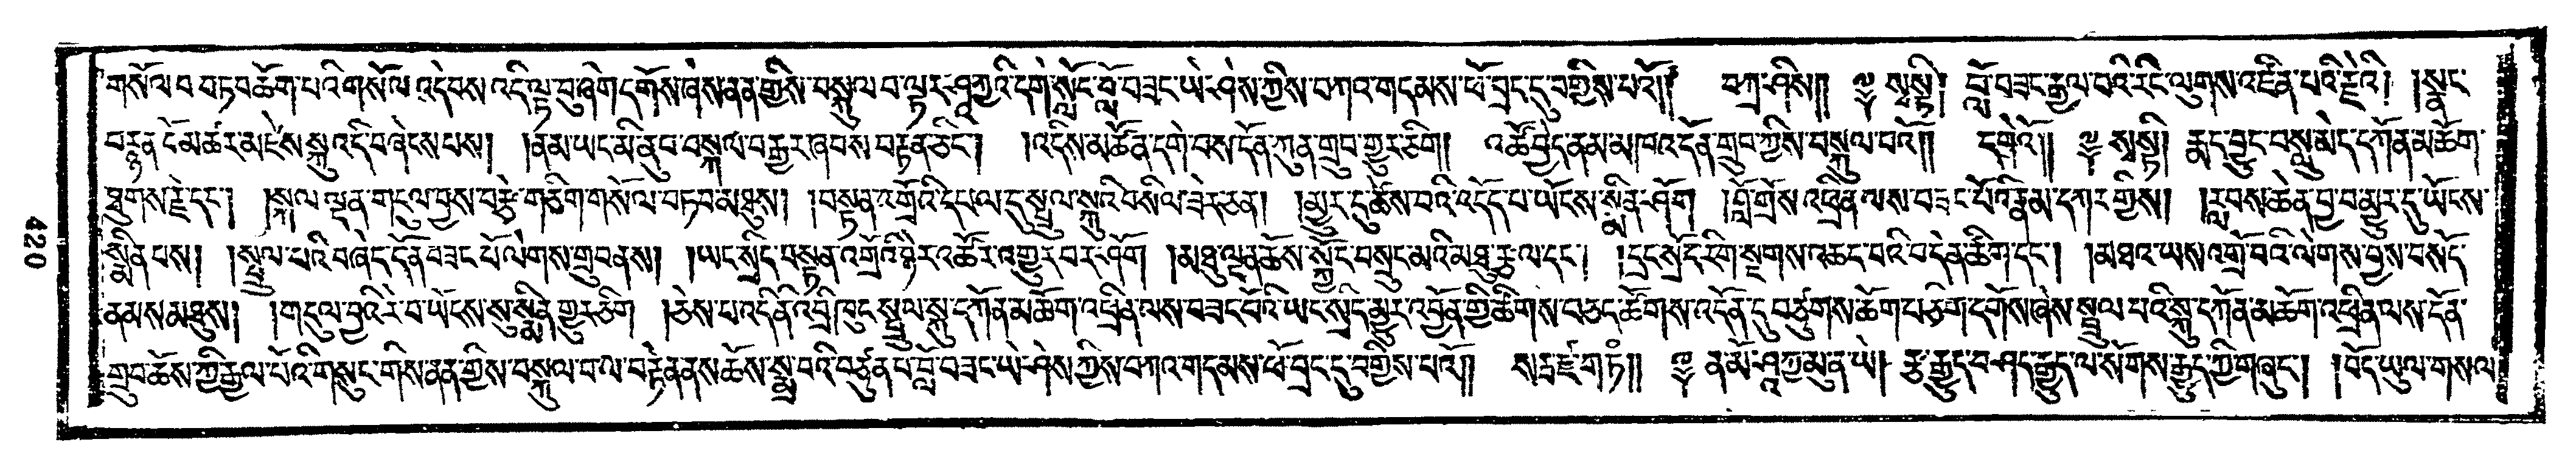གསོལ་བ་བཏབ་ཆོག་པའི་གསོལ་འདེབས་འདི་ལྟ་བུ་ཞིག་དགོས་ཞེས་ནན་གྱིས་བསྐུལ་བ་ལྟར་ཤཱཀྱའི་དགེ་སློང་བློ་བཟང་ཡེ་ཤེས་ཀྱིས་བཀའ་གདམས་ཕོ་བྲང་དུ་བགྱིས་པའོ།། བཀྲ་ཤིས།། ༈ སྭསྟི། བློ་བཟང་རྒྱལ་བའི་རིང་ལུགས་འཛིན་པའི་རྗེའི། །སྣང་
བརྙན་ངོ་མཚར་མཛེས་སྐུ་འདི་བཞེངས་པས། །ནམ་ཡང་མི་ནུབ་བསྐལ་བརྒྱར་ཞབས་བརྟན་ཅིང་། །འདིས་མཚོན་དགེ་བས་དོན་ཀུན་གྲུབ་གྱུར་ཅིག། འཚོ་བྱེད་ནམ་མཁའ་དོན་གྲུབ་ཀྱིས་བསྐུལ་བའོ།། དགེའོ།། ༈ སྭསྟི། རྨད་བྱུང་བསླུ་མེད་དཀོན་མཆོག་
ཐུགས་རྗེ་དང་། །སྐལ་ལྡན་གདུལ་བྱས་བརྩེ་གཅིག་གསོལ་བཏབ་མཐུས། །བསྟན་འགྲོའི་དཔལ་དུ་སྤྲུལ་སྐུའི་བསིལ་ཟེར་ཅན། །མྱུར་དུ་ཚེས་བའི་འདོད་པ་ཡོངས་སྨིན་ཤོག །བློ་གྲོས་འཕྲིན་ལས་བཟང་པོའི་རྣམ་དཀར་གྱིས། །རླབས་ཆེན་བྱ་བ་མྱུར་དུ་ཡོངས་
སྨིན་པས། །སྤྲུལ་པའི་བཞེད་དོན་བཟང་པོ་ལེགས་གྲུབ་ནས། །ཡང་སྲིད་བསྟན་འགྲོའི་ཉེར་འཚོར་འགྱུར་བར་ཤོག །མཐུ་ལྡན་ཆོས་སྐྱོང་བསྲུང་མའི་མཐུ་རྩ་ལ་དང་། །དྲང་སྲོང་རིག་སྔགས་འཆང་བའི་བདེན་ཚིག་དང་། །མཐའ་ཡས་འགྲོ་བའི་ལེགས་བྱས་བསོད་
ནམས་མཐུས། །གདུལ་བྱའི་རེ་བ་ཡོངས་སུ་སྨིན་གྱུར་ཅིག །ཅེས་པ་འདི་ནི་འབྲི་ཁུང་སྤྲུལ་སྐུ་དཀོན་མཆོག་འཕྲིན་ལས་བཟང་པོའི་ཡང་སྲིད་མྱུར་འབྱོན་གྱི་ཚིགས་བཅད་ཚོགས་འདོན་དུ་བཙུགས་ཆོག་པ་ཅིག་དགོས་ཞེས་སྤྲུལ་པའི་སྐུ་དཀོན་མཆོག་འཕྲིན་ལས་དོན་
གྲུབ་ཆོས་ཀྱི་རྒྱལ་པོའི་གསུང་གིས་ནན་གྱིས་བསྐུལ་བ་ལ་བརྟེན་ནས་ཆོས་སྨྲ་བའི་བཙུན་པ་བློ་བཟང་ཡེ་ཤེས་ཀྱིས་བཀའ་གདམས་ཕོ་བྲང་དུ་བགྱིས་པའོ།། སརྦ་ཛ་ག་ཏཾ།། ༈ ན་མོ་ཤཱཀྱ་མུ་ན་ཡེ། རྩ་རྒྱུད་བཤད་རྒྱུད་ལ་སོགས་རྒྱུད་ཀྱི་གཞུང་། །བོད་ཡུལ་གསལ་